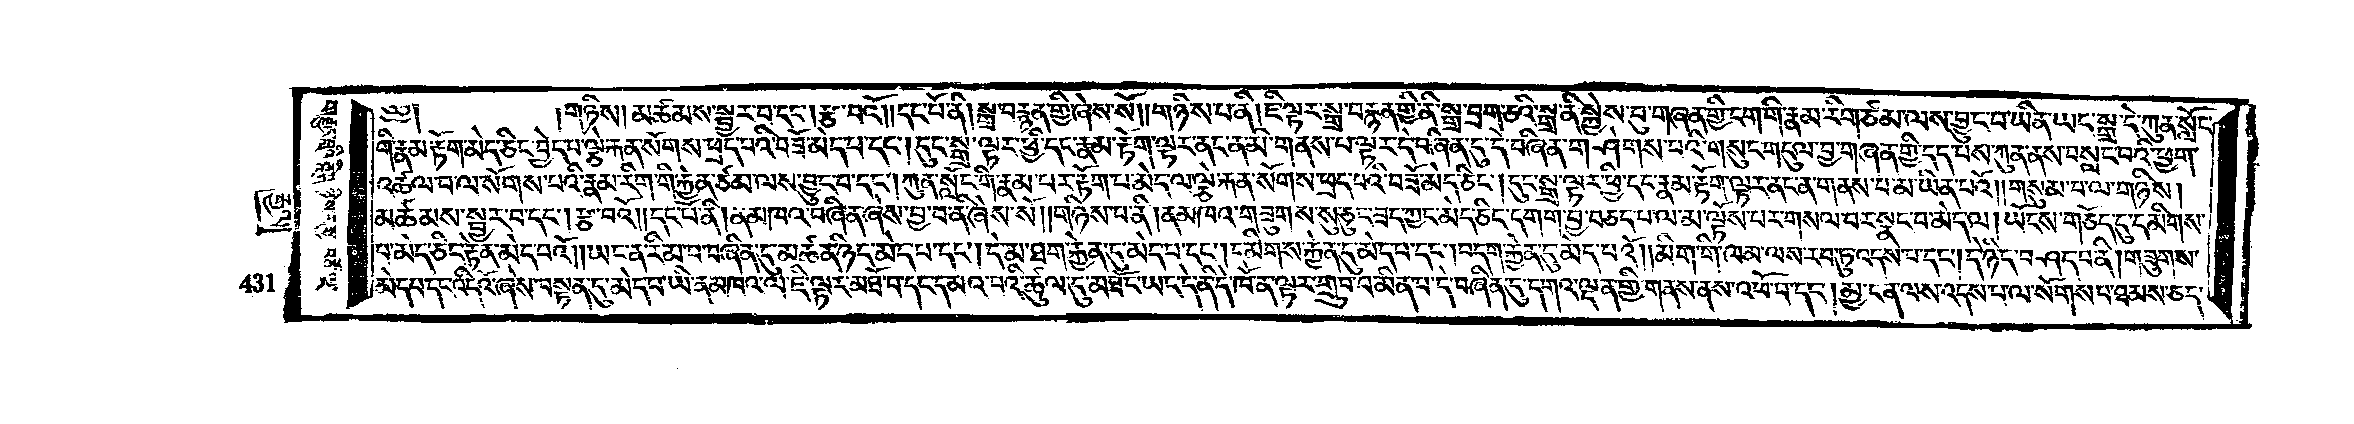༄༅། །གཉིས། མཚམས་སྦྱར་བ་དང་། རྩ་བའོ། །དང་པོ་ནི། སྒྲ་བརྙན་གྱི་ཞེས་སོ། །གཉིས་པ་ནི། ཇི་ལྟར་སྒྲ་བརྙན་གྱི་ནི་སྒྲ་བྲག་ཅའི་སྒྲ་ནི་སྐྱེས་བུ་གཞན་གྱི་ངག་གི་རྣམ་རིག་ཙམ་ལས་བྱུང་བ་ཡིན་ཡང་སྒྲ་དེ་ཀུན་སློང་
གི་རྣམ་རྟོག་མེད་ཅིང་བྱེད་པ་ལྕེ་རྐན་སོགས་ཕྲད་པའི་བཟོ་མེད་པ་དང་། དུང་སྒྲ་ལྟར་ཕྱི་དང་རྣམ་རྟོག་ལྟར་ནང་ན་མི་གནས་པ་ལྟར་དེ་བཞིན་དུ་དེ་བཞིན་གཤེགས་པའི་གསུང་གདུལ་བྱ་གཞན་གྱི་དད་པས་ཀུན་བསླང་བའི་ཕྱག་
འཚལ་བ་ལ་སོགས་པའི་རྣམ་རིག་གི་རྐྱེན་ཙམ་ལས་བྱུང་བ་དང་། ཀུན་སློང་གི་རྣམ་པར་རྟོག་པ་མེད་ལ་ལྕེ་རྐན་སོགས་ཕྲད་པའི་བཟོ་མེད་ཅིང་། དུང་སྒྲ་ལྟར་ཕྱི་དང་རྣམ་རྟོག་ལྟར་ནང་ན་གནས་པ་མ་ཡིན་པའོ། །གསུམ་པ་ལ་གཉིས།
མཚམས་སྦྱར་བ་དང་། རྩ་བའོ། །དང་པོ་ནི། ནམ་མཁའ་བཞིན་ཞེས་བྱ་བ་ནི་ཞེས་སོ། །གཉིས་པ་ནི། ནམ་མཁའ་གཟུགས་སུ་ཅུང་ཟད་ཀྱང་མེད་ཅིང་དགག་བྱ་བཅད་པ་ལ་མ་ལྟོས་པར་གསལ་བར་སྣང་བ་མེད་ལ། ཡོངས་གཅོད་དུ་དམིགས་
པ་མེད་ཅིང་རྟེན་མེད་པའོ། །ཡང་ན་རིམ་པ་བཞིན་དུ་མཚན་ཉིད་མེད་པ་དང་། དེ་མ་ཐག་རྐྱེན་དུ་མེད་པ་དང་། དམིགས་རྐྱེན་དུ་མེད་པ་དང་། བདག་རྐྱེན་དུ་མེད་པའོ། །མིག་གི་ལམ་ལས་རབ་ཏུ་འདས་པ་དང་། དེ་ཉིད་བཤད་པ་ནི། གཟུགས་
མེད་པ་དང་འདིའོ་ཞེས་བསྟན་དུ་མེད་པ་ཡི་ནམ་མཁའ་ལ་ཇི་ལྟར་མཐོ་བ་དང་དམའ་བའི་ཚུལ་དུ་མཐོང་ཡང་དེ་ནི་ཁོ་ན་ལྟར་གྲུབ་བ་མིན་པ་དེ་བཞིན་དུ་དགའ་ལྡན་གྱི་གནས་ནས་འཕོ་བ་དང་། མྱ་ངན་ལས་འདས་པ་ལ་སོགས་པ་ཐམས་ཅད་